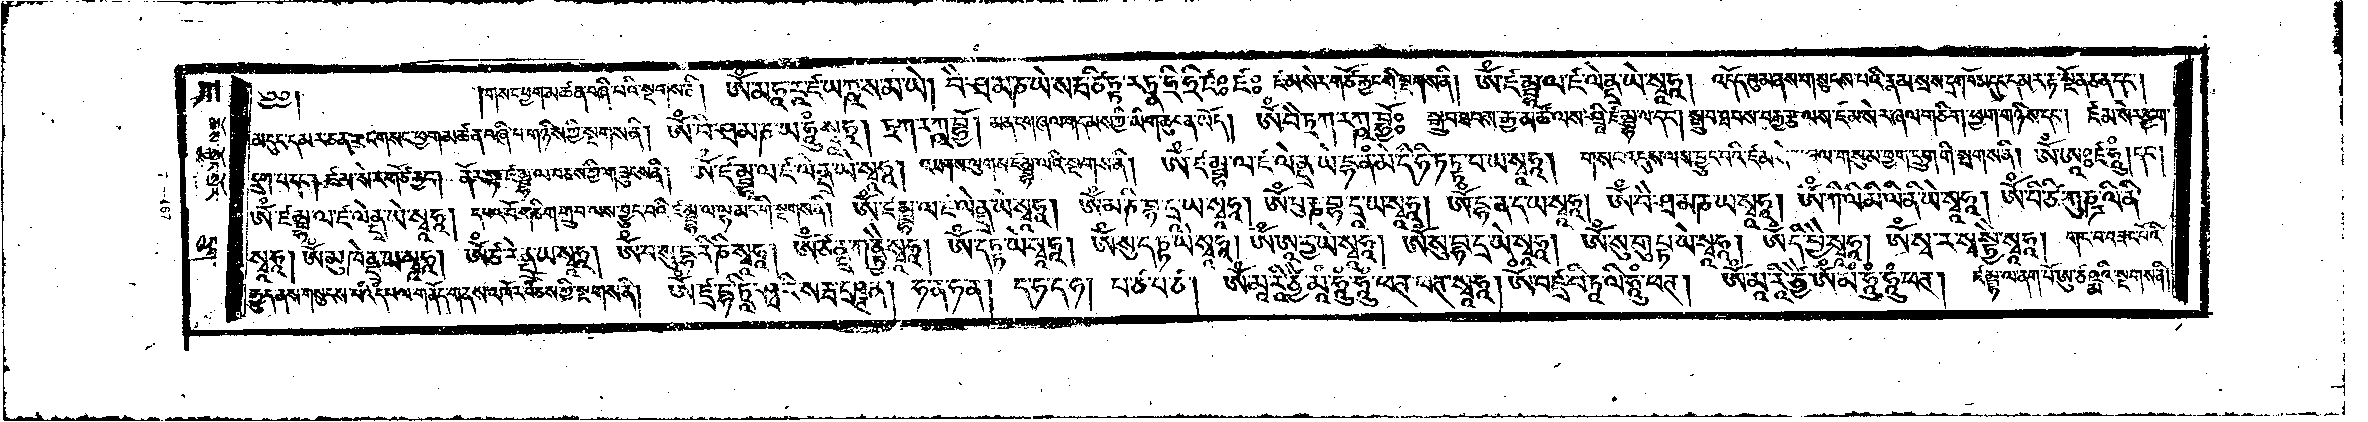༄༅། །གསང་ཕྱག་མཚན་བཞི་པའི་སྔགས་ནི། ཨོཾ་མཧཱ་རཱ་ཛ་ཡཀྵ་ས་མ་ཡེ། བཻ་ཤྲ་མ་ཎ་ཡེ་སརྦ་ཙིཏྟ་རཏྣ་ཧྲི་ཧྲི་ཛཿཛཿ ཛམ་སེར་གཙོ་རྐྱང་གི་སྔགས་ནི།  ཨོཾ་ཛམྦྷ་ལ་ཛ་ལེནྡྲ་ཡེ་སྭཱཧཱ། འདོད་བུམ་ནས་གསུངས་པའི་རྣམ་སྲས་དྲག་པོ་བདུད་དམར་རྟ་སྔོན་ཅན་དང་།
མདུང་དམར་ཅན་ཡང་གསང་ཕྱག་མཚན་བཞི་པ་གཉིས་ཀྱི་སྔགས་ནི། ཨོཾ་བཻ་ཤྲ་མཎ་ཡ་ཧཱུཾ་སྭཱཧཱ། ཏྲཀ་རཀྵ་བྷྱོ། མན་ངག་ཞལ་གདམས་གྱི་ཡིག་ཆུང་ན་ཡོད།  ཨོཾ་བཻ་ཏྲཀ་རཀྵ་བྷྱོཿ སྒྲུབ་ཐབས་རྒྱ་མཚོ་ལས་ཤྲཱི་ཛམྦྷ་ལ་དང་། སྒྲུབ་ཐབས་བརྒྱ་རྩ་ལས་ཛམ་སེར་ཞལ་གཅིག་ཕྱག་གཉིས་དང་། ཇམ་སེར་ཕྱག་
དྲུག་པ་དང་། ཛམ་སེར་གཙོ་རྐྱང་། ནོར་ལྷ་ཛམྦྷ་ལ་བཅས་ཀྱི་གཟུངས་ནི། ཨོཾ་ཛམྦྷ་ལ་ཛ་ལེནྡྲ་ཡེ་སྭཱཧཱ། ལགས་ལུགས་ཛམྦྷ་ལའི་སྔགས་ནི།  ཨོཾ་ཛམྦྷ་ལ་ཛ་ལེནྡྲ་ཡེ་དྷ་ནཾ་མེ་དི་ཧི་ཏཏྟ་པ་ཡ་སྭཱཧཱ། གསང་འདུས་ལས་བྱུང་བའི་ཛམ་སེང་ཞལ་གསུམ་ཕྱག་དྲུག་གི་སྔགས་ནི། ཨོཾ་ཨཱཿཛ་ཧཱུཾ་དང་།
ཨོཾ་ཛམྦྷ་ལ་ཛལེནྡྲ་ཡེ་སྭཱཧཱ། དཔའ་བོ་གཅིག་གྲུབ་ལས་བྱུང་བའི་ཛམྦྷ་ལ་ལྷ་མང་གི་སྔགས་ནི།  ཨོཾ་ཛམྦྷ་ལ་ཛ་ལེནྡྲ་ཡེ་སྭཱཧཱ། ཨོཾ་མ་ཎི་བྷ་དྲ་ཡ་སྭཱཧཱ། ཨོཾ་པུརྞ་བྷ་དྲཱ་ཡ་སྭཱཧཱ། ཨོཾ་དྷ་ན་ད་ཡ་སྭཱཧཱ། ཨོཾ་བཻ་ཤྲ་མཎ་ཡ་སྭཱཧཱ། ཨོཾ་ཀི་ལི་མི་ལི་ནི་ཡེ་སྭཱཧཱ། ཨོཾ་བིཙི་ཀུཎྜ་ལི་ནི་
སྭཱཧཱ། ཨོཾ་མུ་ཁེནྡྲ་ཡ་སྭཱཧཱ། ཨོཾ་ཙ་རེནྡྲ་ཡ་སྭཱཧཱ། ཨོཾ་བ་སུདྷ་རི་ཎི་སྭཱཧཱ། ཨོཾ་ཙནྡྲ་ཀནྟྱཻ་སྭཱཧཱ། ཨོཾ་དཏྟ་ཡེ་སྭཱཧཱུ། ཨོཾ་སུ་དཏྟ་ཡེ་སྭཱཧཱ། ཨོཾ་ཨཱརྱ་ཡེ་སྭཱཧཱ། ཨོཾ་སུ་བྷ་དྲ་ཡེ་སྭཱཧཱ། ཨོཾ་སུ་གུཔྟ་ཡེ་སྭཱཧཱ། ཨོཾ་དི་བྱཻ་སྭཱཧཱ། ཨོཾ་སྭ་ར་སྭ་སྟྱེ་སྭཱཧཱ། གང་བ་བཟང་པོའི་
རྒྱུད་ནས་གསུངས་པའི་དཔལ་གནོད་གནས་འཁོར་བཅས་ཀྱི་སྔགས་ནི། ཨོཾ་ཛྲ་དྷ་ཏྲཱི་ཤྭ་རི་སརྦ་དྲཥྚ་ན། ཧ་ན་ཧ་ན། ད་ཧ་ད་ཧ། པ་ཙ་པ་ཙ། ཨོཾ་མཱ་རཱི་ཙྱཻ་མཱཾ་ཧཱུཾ་ཧཱུཾ་ཕཊ་ཕཊ་སྭཱཧཱ། ཨོཾ་བཛྲ་བིཏཱ་ལིཧཱུཾ་ཕཊ། ཨོཾ་མཱ་རཱི་ཙྱཻ་ཨོཾ་མཾ་ཧཱུཾ་ཧཱུཾ་ཕཊ། ཛནྙ་ལ་ནག་པོ་ཨུཙཥྨརི་སྔགས་ནི་